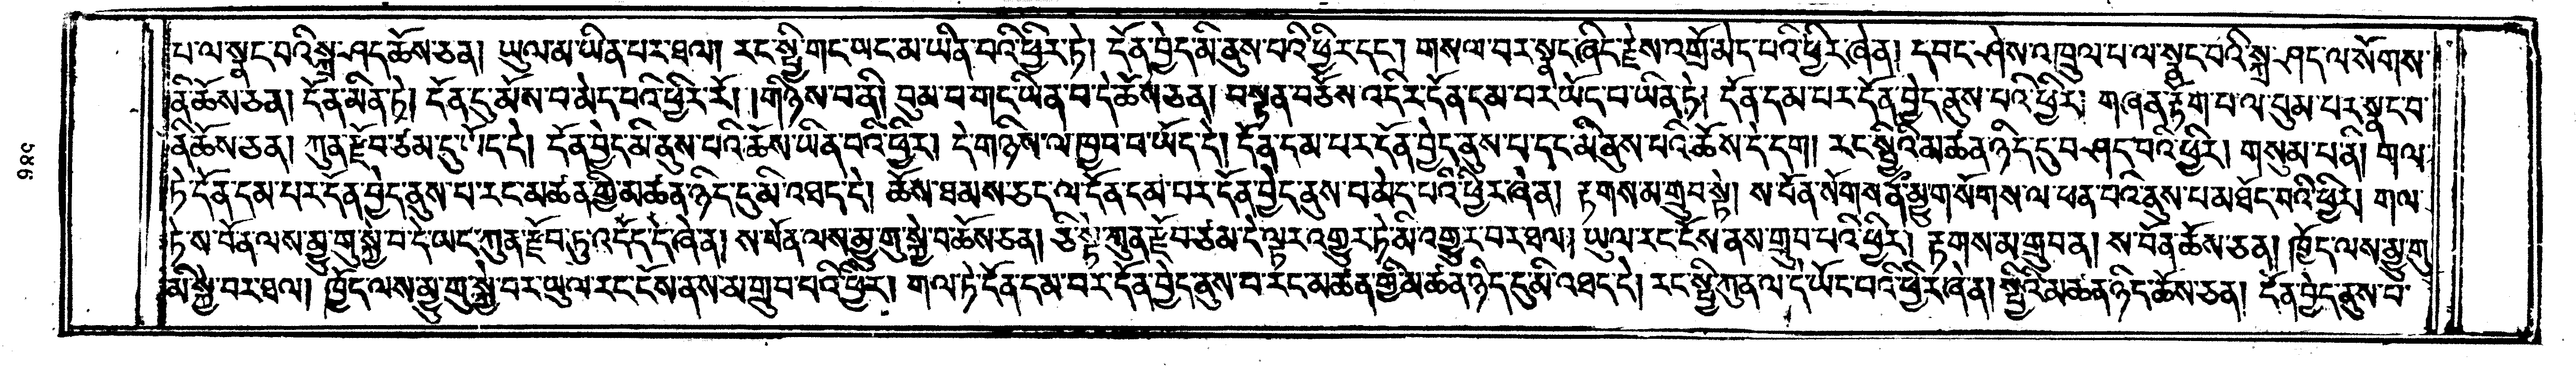པ་ལ་སྣང་བའི་སྐྲ་ཤད་ཆོས་ཅན། ཡུལ་མ་ཡིན་པར་ཐལ། རང་སྤྱི་གང་ཡང་མ་ཡིན་པའི་ཕྱིར་ཏེ། དོན་བྱེད་མི་ནུས་པའི་ཕྱིར་དང་། གསལ་བར་སྣང་ཞིང་རྗེས་འགྲོ་མེད་པའི་ཕྱིར་ཞེ་ན། དབང་ཤེས་འཁྲུལ་པ་ལ་སྣང་བའི་སྐྲ་ཤད་ལ་སོགས་
ནི་ཆོས་ཅན། དོན་མིན་ཏེ། དོན་དུ་མོས་བ་མེད་པའི་ཕྱིར་རོ། །གཉིས་བ་ནི། བུམ་པ་གང་ཡིན་པ་དེ་ཆོས་ཅན། བསྟན་བཅོས་འདིར་དོན་དམ་པར་ཡོད་པ་མ་ཡིན་ཏེ། དོན་དམ་པར་དོན་བྱེད་ནུས་པའི་ཕྱིར། གཞན་རྟོག་པ་ལ་བུམ་པར་སྣང་བ་
ནི་ཆོས་ཅན། ཀུན་རྫོབ་ཙམ་དུ་ཡོད་དེ། དོན་བྱེད་མི་ནུས་པའི་ཆོས་ཡིན་པའི་ཕྱིར། དེ་གཉིས་ལ་ཁྱབ་པ་ཡོད་དེ། དོན་དམ་པར་དོན་བྱེད་ནུས་པ་དང་མི་ནུས་པའི་ཆོས་དེ་དག། རང་སྤྱིའི་མཚན་ཉིད་དུ་བཤད་པའི་ཕྱིར། གསུམ་པ་ནི། གལ་
ཏེ་དོན་དམ་པར་དོན་བྱེད་ནུས་པ་རང་མཚན་གྱི་མཚན་ཉིད་དུ་མི་འཐད་དེ། ཆོས་ཐམས་ཅད་ལ་དོན་དམ་པར་དོན་བྱེད་ནུས་པ་མེད་པའི་ཕྱིར་ཞེ་ན། རྟགས་མ་གྲུབ་སྟེ། ས་བོན་སོགས་ནི་མྱུ་ག་སོགས་ལ་ཕན་པའི་ནུས་པ་མཐོང་བའི་ཕྱིར། གལ་
ཏེ་ས་བོན་ལས་མྱུ་གུ་སྐྱེ་བ་དེ་ཡང་ཀུན་རྫོབ་ཏུ་འདོད་དེ་ཞེ་ན། ས་བོན་ལས་མྱུ་གུ་སྐྱེ་བ་ཆོས་ཅན། ཅི་སྟེ་ཀུན་རྫོབ་ཙམ་དེ་ལྟར་འགྱུར་ཏེ་མི་འགྱུར་བར་ཐལ། ཡུལ་རང་ངོས་ནས་གྲུབ་པའི་ཕྱིར། རྟགས་མ་གྲུབ་ན། ས་བོན་ཆོས་ཅན། ཁྱོད་ལས་མྱུ་གུ་
མི་སྐྱེ་བར་ཐལ། ཁྱོད་ལས་མྱུ་གུ་སྐྱེ་བར་ཡུལ་རང་ངོས་ནས་མ་གྲུབ་པའི་ཕྱིར། གལ་ཏེ་དོན་དམ་བར་དོན་བྱེད་ནུས་བ་རང་མཚན་གྱི་མཚན་ཉིད་དུ་མི་འཐད་དེ། རང་སྤྱི་ཀུན་ལ་དེ་ཡོད་པའི་ཕྱིར་ཞེ་ན། སྤྱིའི་མཚན་ཉིད་ཆོས་ཅན། དོན་བྱེད་ནུས་པ་